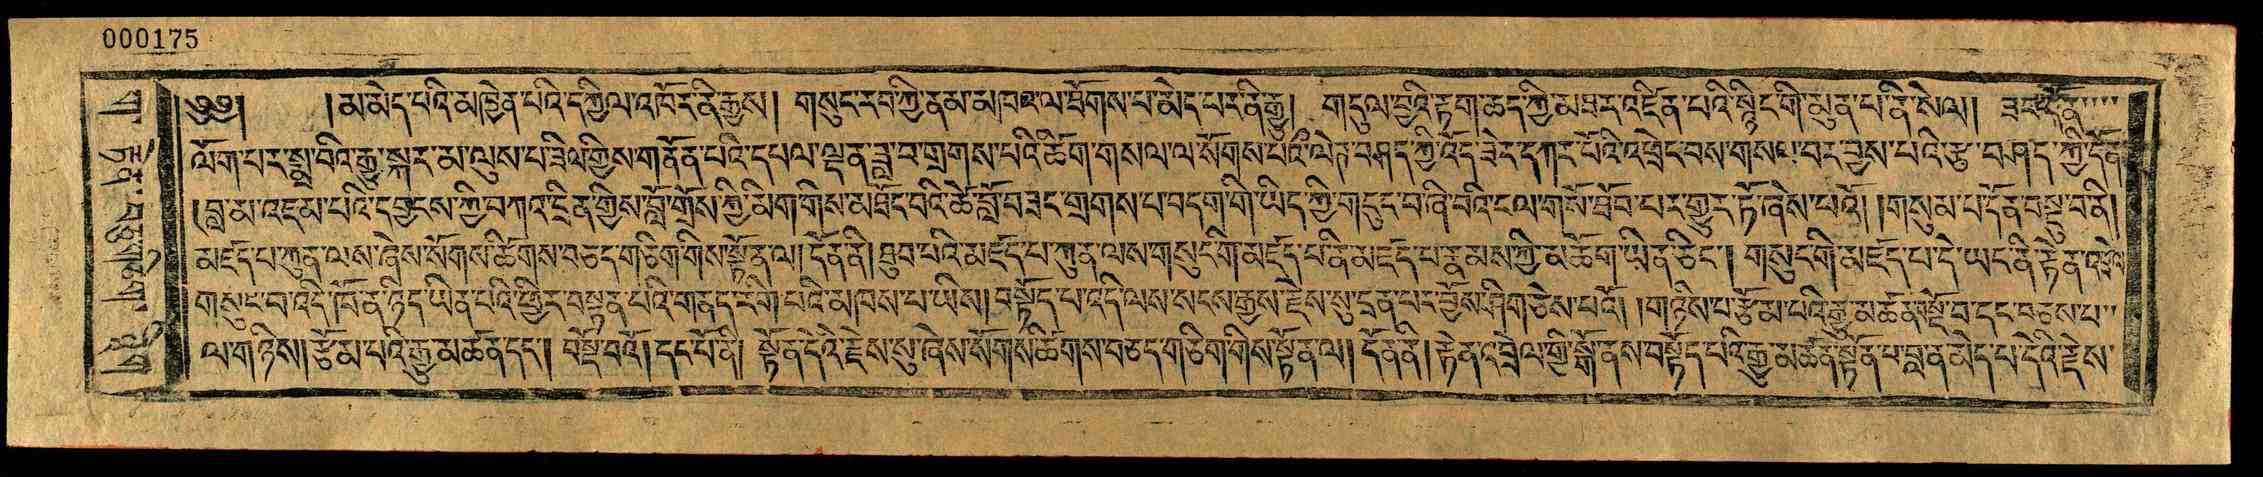༄༅། །མ་མེད་པའི་མཁྱེན་པའི་དཀྱིལ་འཁོར་ནི་རྒྱས། གསུང་རབ་ཀྱི་ནམ་མཁའ་ལ་ཐོགས་པ་མེད་པར་ནི་རྒྱུ། གདུལ་བྱའི་རྟག་ཆད་ཀྱི་མཐར་འཛིན་པའི་སྙིང་གི་མུན་པ་ནི་སེལ། ཟབ་དོན་
ལོག་པར་སྨྲ་བའི་རྒྱུ་སྐར་མ་ལུས་པ་ཟིལ་གྱིས་གནོན་པའི་དཔལ་ལྡན་ཟླ་བ་གྲགས་པའི་ཚིག་གསལ་ལ་སོགས་པའི་ལེགས་བཤད་ཀྱི་འོད་ཟེར་དཀར་པོའི་འཕྲེང་བས་གསལ་བར་བྱས་པའི་རྩ་བཤད་ཀྱི་
དོན། བླ་མ་འཇམ་པའི་དབྱངས་ཀྱི་བཀའ་དྲིན་གྱིས་བློ་གྲོས་ཀྱི་མིག་གིས་མཐོང་བའི་ཚེ་བློ་བཟང་གྲགས་པ་བདག་གི་ཡིད་ཀྱི་གདུང་བ་ཞི་བའི་ངལ་གསོ་ཐོབ་པར་གྱུར་ཏོ་ཞེས་པའོ། །གསུམ་པ་དོན་བསྡུ་བ་ནི།
མཛད་པ་ཀུན་ལས་ཞེས་སོགས་ཚིགས་བཅད་གཅིག་གིས་སྟོན་ལ། དོན་ནི། ཐུབ་པའི་མཛད་པ་ཀུན་ལས་གསུང་གི་མཛད་པ་ནི་མཛད་པ་རྣམས་ཀྱི་མཆོག་ཡིན་ཅིང་། གསུང་གི་མཛད་པ་དེ་ཡང་ནི་རྟེན་འབྲེལ་
གསུང་པ་འདི་ཁོ་ན་ཉིད་ཡིན་པའི་ཕྱིར་བསྟན་པའི་གནད་རིག་པའི་མཁས་པ་ཡིས། བསྟོད་པ་འདི་ལས་སངས་རྒྱས་རྗེས་སུ་དྲན་པར་བྱོས་ཤིག་ཅེས་པའོ། །གཉིས་པ་རྩོམ་པའི་རྒྱུ་མཚན་བསྔོ་བ་དང་བཅས་
པ་ལ་གཉིས། རྩོམ་པའི་རྒྱུ་མཚན་དང་། བསྔོ་བའོ། །དང་པོ་ནི། སྟོན་དེའི་རྗེས་སུ་ཞེས་སོགས་ཚིགས་བཅད་གཅིག་གིས་སྟོན་ལ། དོན་ནི། རྟེན་འབྲེལ་གྱི་སྒོ་ནས་བསྟོད་པའི་རྒྱུ་མཚན་སྟོན་པ་བླ་ན་མེད་པ་དེའི་རྗེས་